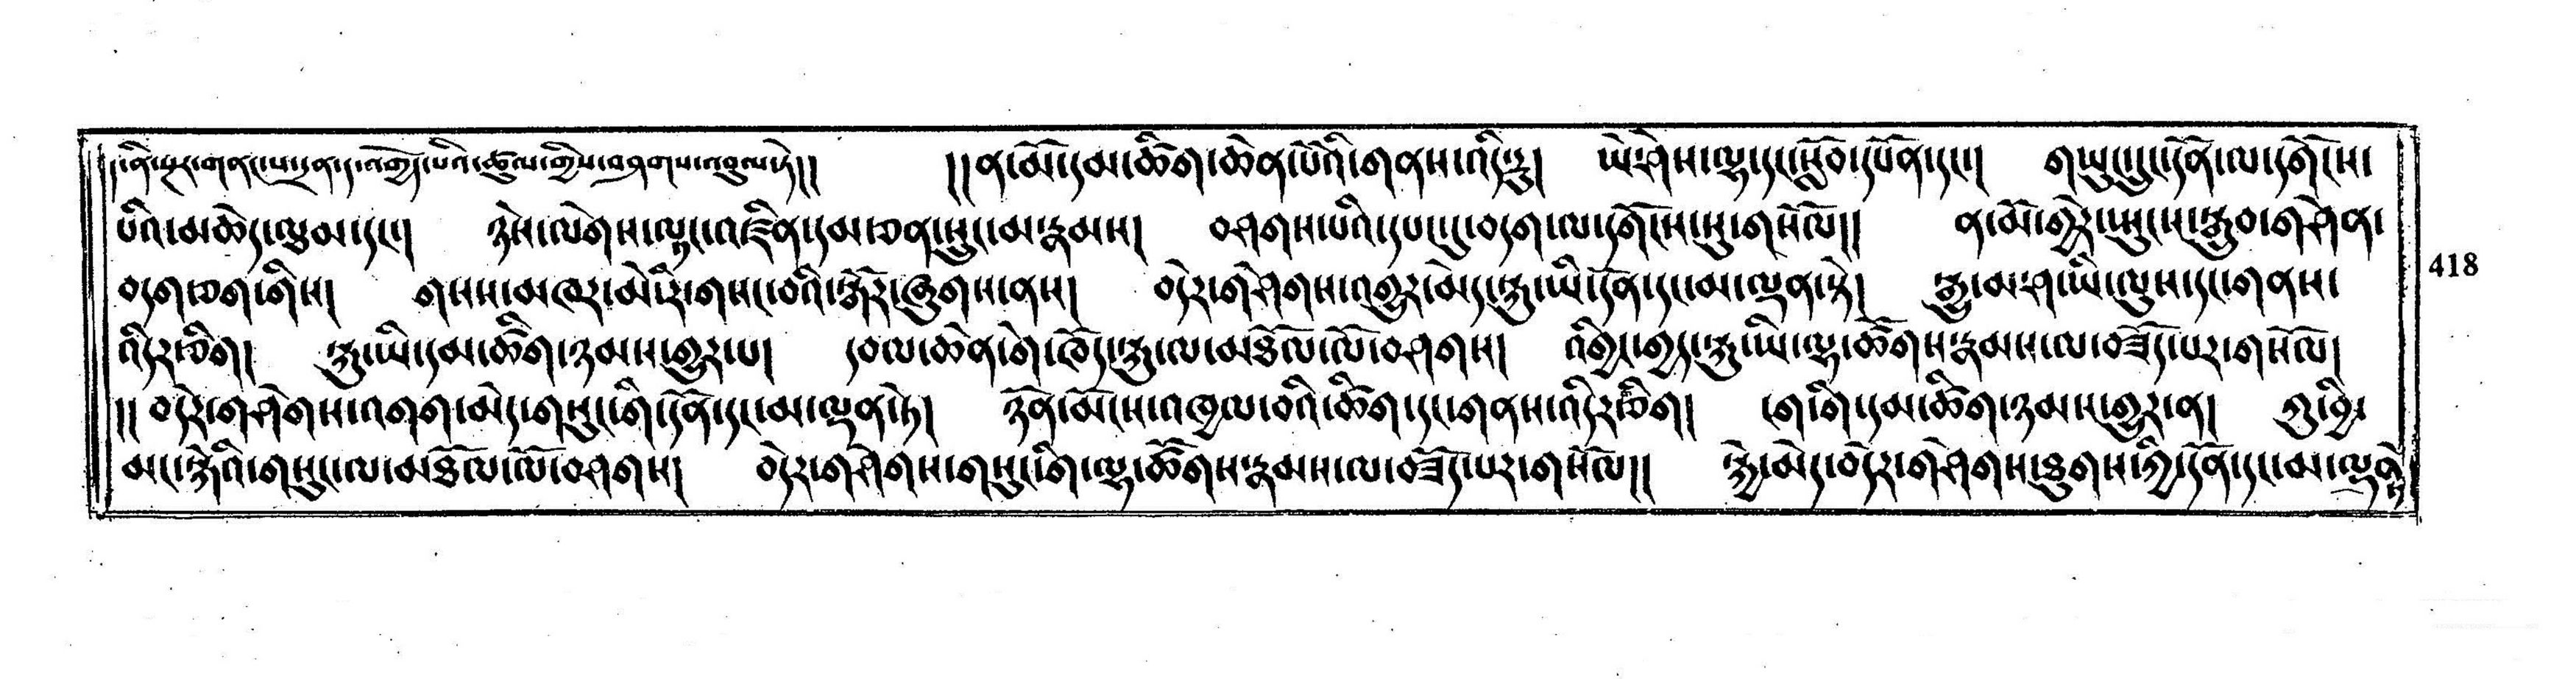ད་ནི་སྔར་གནོང་པ་དྲན་ད་འགྱོད་པའི་ཚུལ་གྱིས་བཤགས་པ་འབུལ་ཏེ།། །།ན་མོ་དམ་ཚིག་ཆེན་པོའི་གནས་འདི་རུ།། ཡེ་ཤེས་ལྷ་དང་{428}སློབ་དཔོན་དང་། གཡུང་དྲུང་དོན་ལ་དགོངས་
པའི་མཆེད་ལྕམ་དང་། ཉེས་ལེགས་ལྟང་འཛིན་དམ་ཅན་སྲུང་མ་རྣམས། བཤགས་པའི་དཔང་དུ་བདག་ལ་དགོངས་སུ་གསོལ།། ན་མོ་གྱེར་སྤུངས་སྒྲུབ་གཤེན་
བདག་ཅག་གིས། གསས་མཁར་མེ་རི་གསང་བའི་སྒོར་ཞུགས་ནས། བདེར་གཤེགས་འགྱུར་མེད་སྐུ་ཡི་དོན་དང་མ་ལྡན་སྟེ། སྒྱུ་མ་ཤ་ཡི་ལུས་དང་གནས་
འདིར་ཅིག །སྐུ་ཡི་དམ་ཚིག་ཉམས་གྱུར་པ། དབལ་ཆེན་གེ་ཁོད་སྐུ་ལ་མཐོལ་ལོ་བཤགས། འགྱིང་གྱད་སྐུ་ཡི་ལྷ་ཚོགས་རྣམས་ལ་བཟོད་པར་གསོལ། 
།།བདེར་གཤེགས་འགག་མེད་གསུང་གི་དོན་དང་མ་ལྡན་ཏེ། ཉོན་མོངས་འཁྱལ་བའི་ཚིག་དང་གནས་འདིར་ཅིག །ངག་གི་དམ་ཚིག་ཉམས་གྱུར་ན། ཀུ་བྱི་
མང་སྐེའི་གསུང་ལ་མཐོལ་ལོ་བཤགས། བདེར་གཤེགས་གསུང་གི་ལྷ་ཚོགས་རྣམས་ལ་བཟོད་པར་གསོལ།། སྐྱེ་མེད་བདེར་གཤེགས་ཐུགས་ཀྱི་དོན་དང་མ་ལྡན་ཏེ།